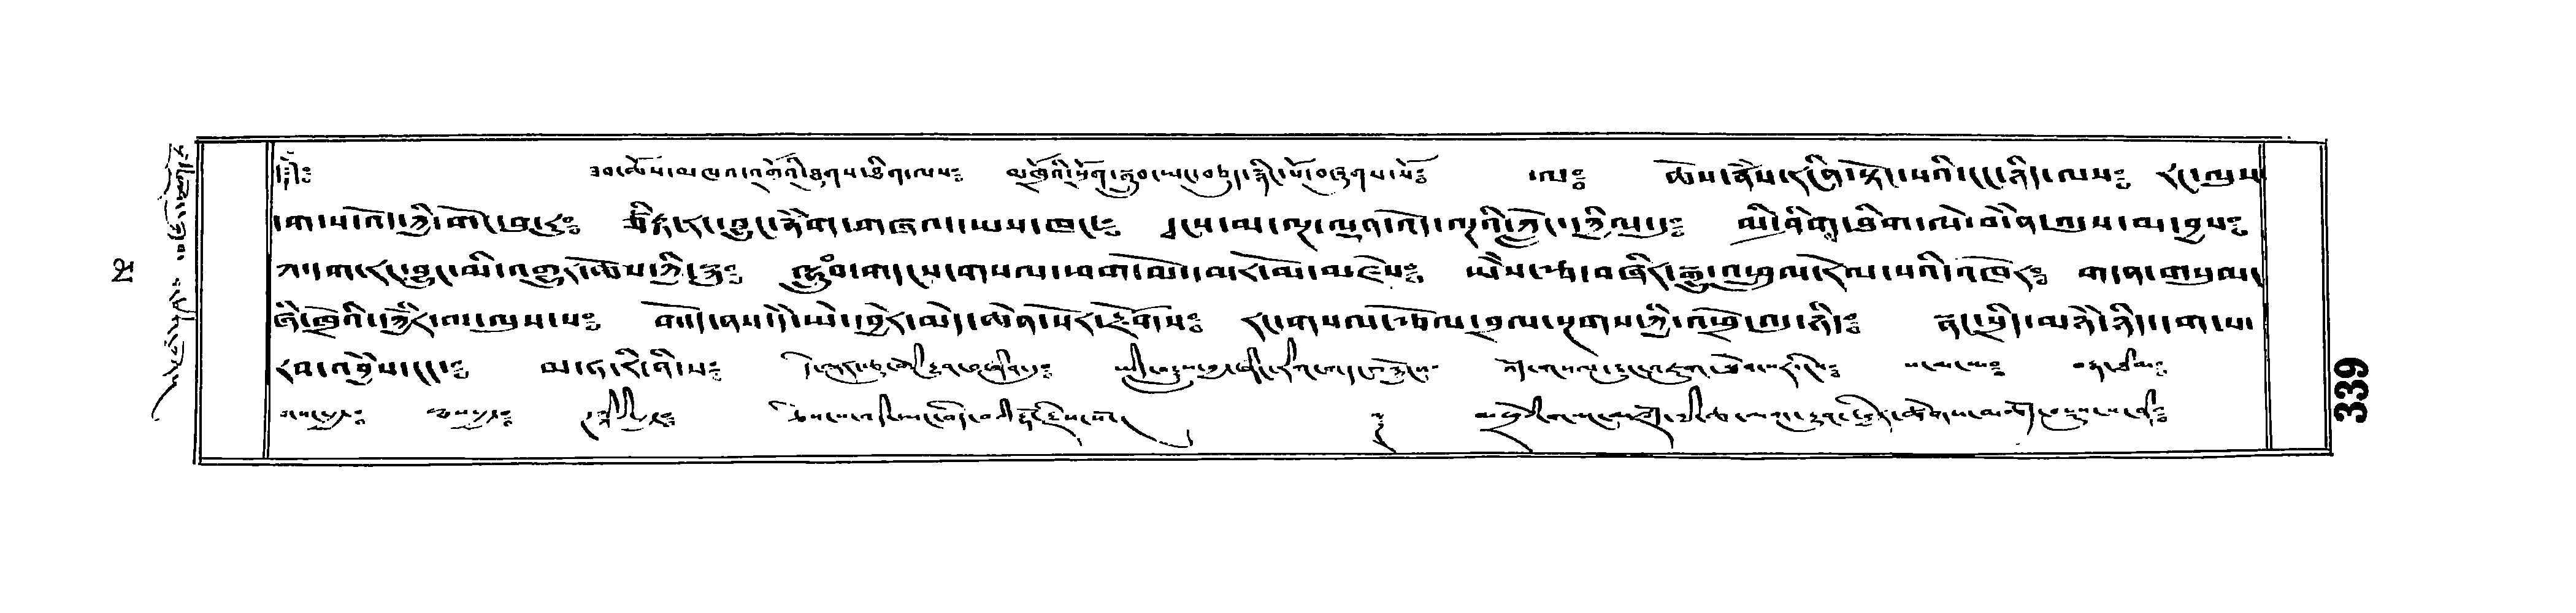ཟབ་ཆོས་མཁའ་འགྲོའི་ཐུགས་ཏིག་ལས༔ མཁའ་འགྲོའི་སྲོག་སྒྲུབ་ཡང་བཅུད་སྙིང་པོ་བཞུགས་སོ༔ ཨཱཿ ཆོས་རྣམས་རང་བཞིན་སྟོང་པའི་ངང་ཉིད་ལས༔ རང་ལུས་
དག་པ་འོད་ཀྱི་གོང་བུ་རུ༔ ཙིཏྟ་རང་བྱུང་རྣམ་དག་གཞལ་ཡས་ཁང༔ དྭངས་མ་ལྔ་ལྡན་འོད་ལྔའི་ཀློང་དཀྱིལ་དུ༔ མི་ཤིགས་ཐིག་ལེ་བདེ་ཆེན་འདུས་མ་བྱས༔ 
ཀ་དག་རང་བྱུང་མི་འགྱུར་ཆོས་ཀྱི་སྐུ༔ ལྷུན་གྲུབ་གདངས་གསལ་ཕག་མོ་དམར་མོ་མཛེས༔ ཡེ་ཤེས་རྩ་བཞིར་སྒྱུ་འཕྲུལ་རོལ་པའི་འཁོར༔ གདན་གསུམ་
ཞི་ཁྲོའི་དཀྱིལ་འཁོར་མ་ལུས་པ༔ གདོད་ནས་དམ་ཡེ་དབྱེར་མེད་ཆེན་པོར་རྫོགས༔ རང་གསལ་རྩོལ་བྲལ་སྔགས་ཀྱི་འཕྲོ་འདུ་ཉིད༔ སྣང་སྲིད་མཉམ་ཉིད་དག་པ་
རབ་འབྱམས་ངང༔ མ་ཧ་རི་ནི་ས༔ དེ་ལྟར་ཆུ་བོའི་རྒྱུན་བཞིན་དུ༔ ཡིད་བཟླས་བྱ་ཞིང་རིག་གདངས་སྐྱོངས༔ འོད་གསལ་ཟུང་འཇུག་ཐོབ་པར་ངེས༔ ས་མ་ཡ༔ བརྡ་ཐིམ༔ 
གསང་རྒྱ༔ སྦས་རྒྱ༔ ཌཀྐིའི་རྒྱ༔ ཅེས་པ་འདི་ཡང་བདེ་བའི་རྡོ་རྗེས་སོ།། ༈ མཁའ་འགྲོའི་གསང་མཛོད་ཀྱི་ཆ་ལག་རྒྱུན་ཁྱེར་ཚོགས་མཆོད་བསྡུས་པ་ནི༔